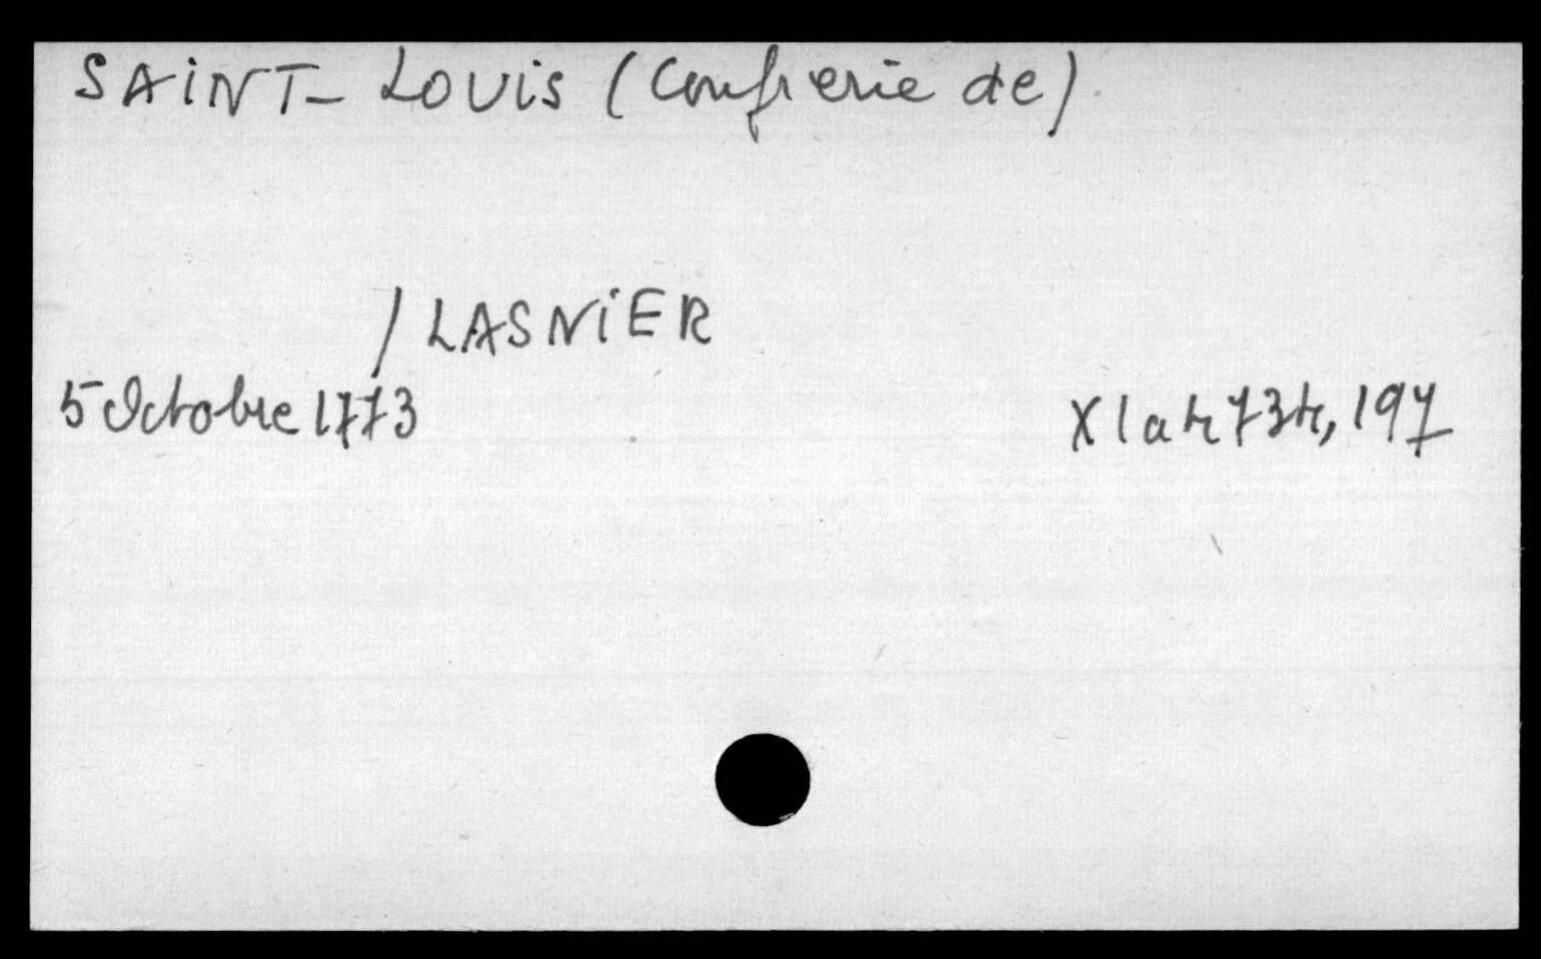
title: SAINT-LOUIS (Confrérie de)
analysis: Contre LASNIER
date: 5 octobre 1773
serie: X1a
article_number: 4734
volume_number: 197
